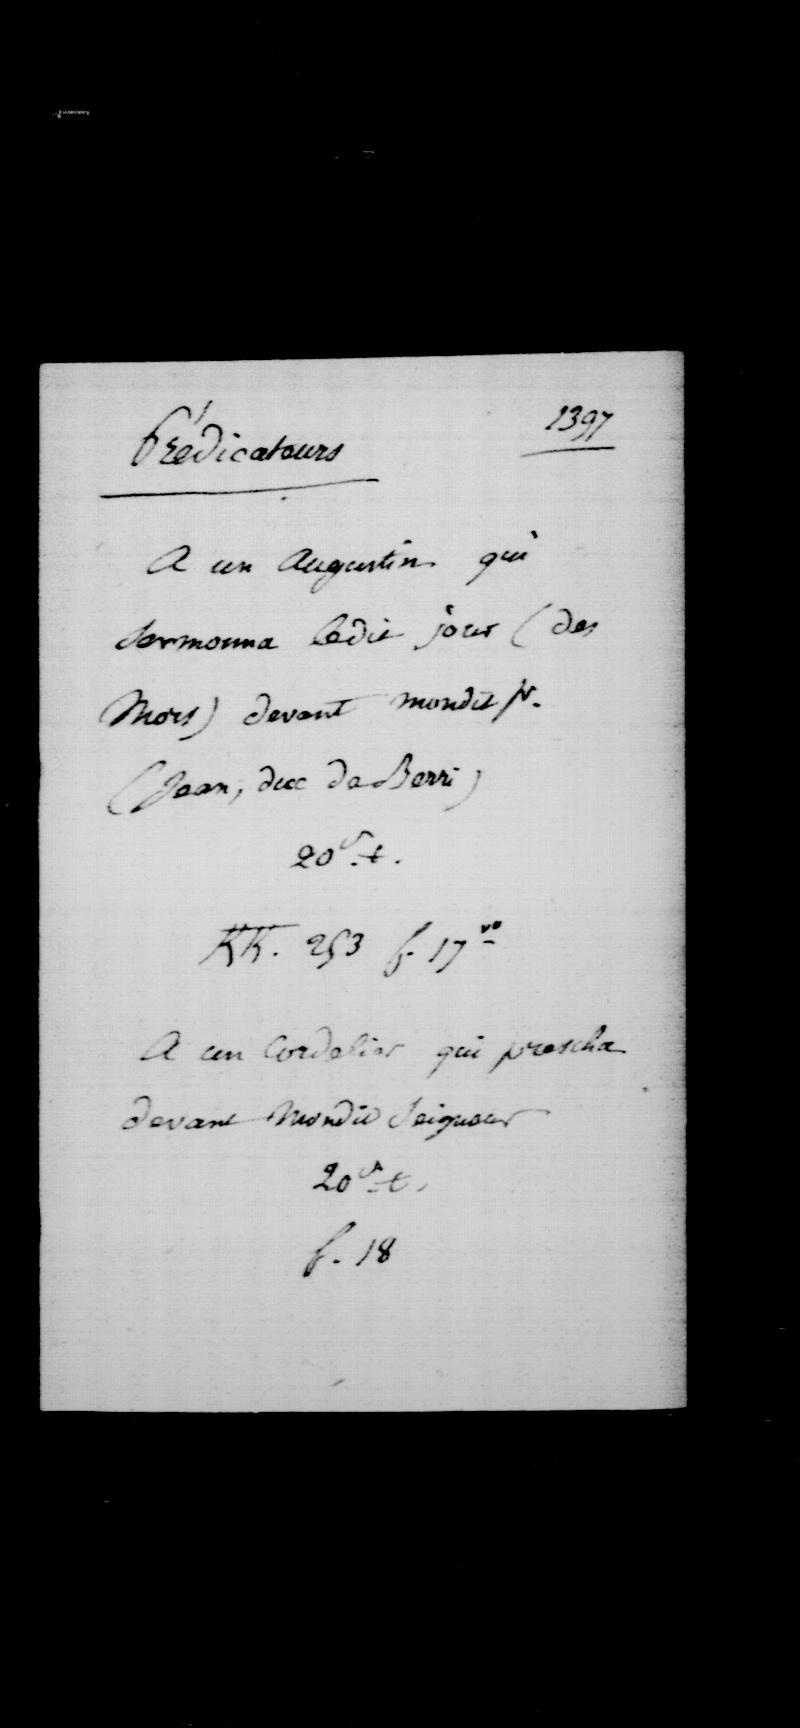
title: Prédicateurs
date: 1397
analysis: A un Augustin qui sermonne ledit jour (des mors) devant mondit Seigneur (Jean, duc de Berri) 20 l. t. A un cordelier qui prescha devant mondit Seigneur 20 l. t.
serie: KK
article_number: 253
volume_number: fol. 17v, fol. 18
